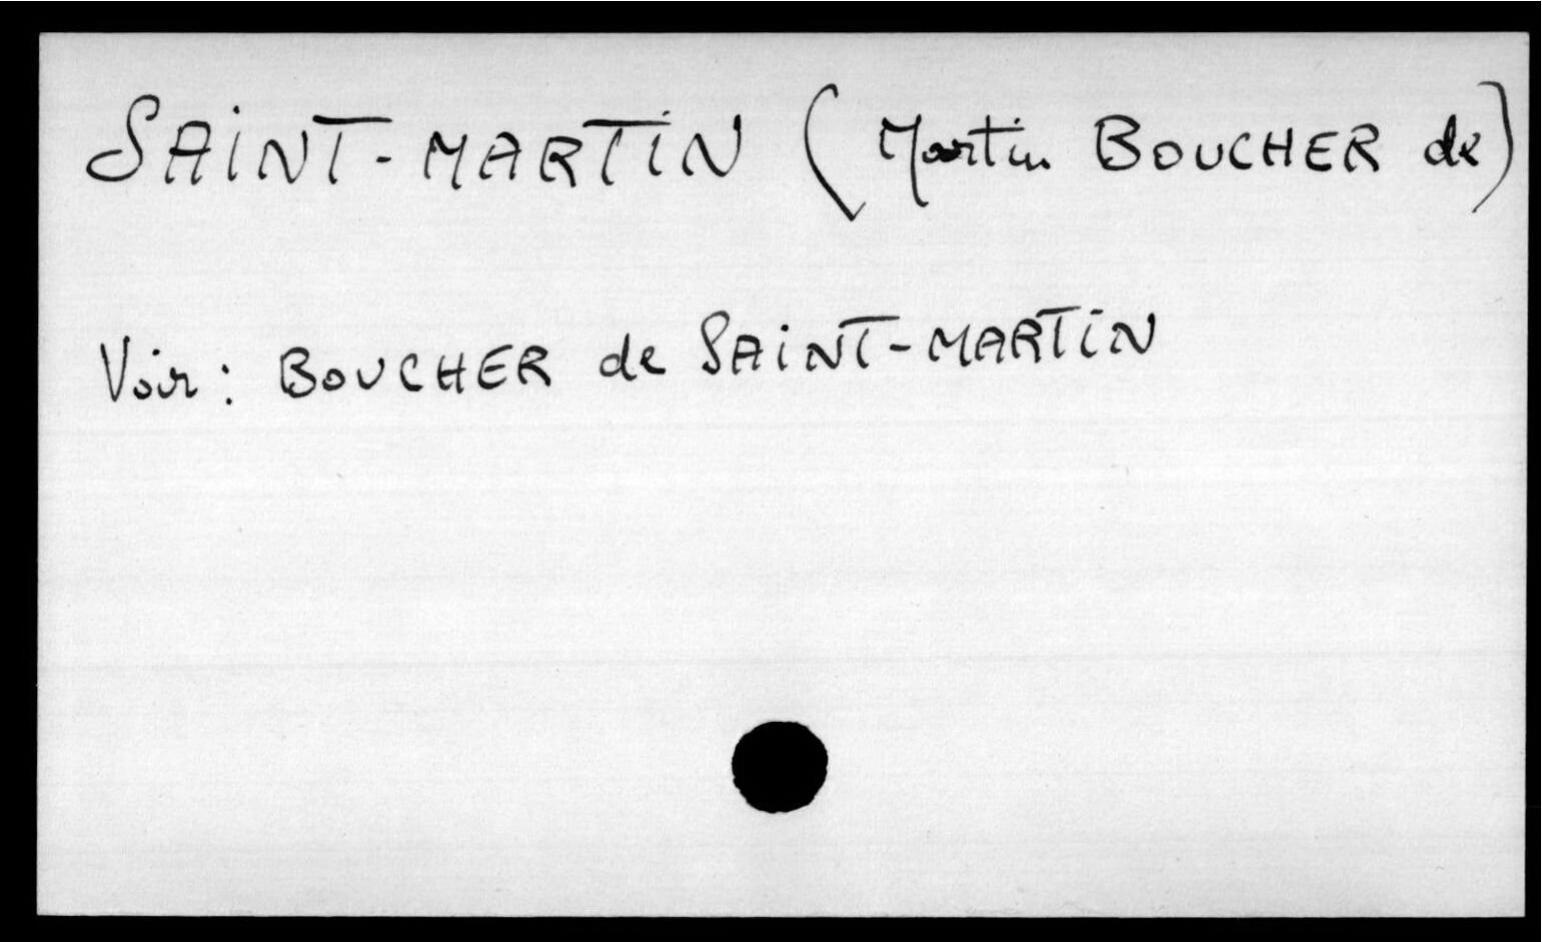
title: SAINT-MARTIN (Martin BOUCHER de)
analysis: Voir : BOUCHER de SAINT-MARTIN
